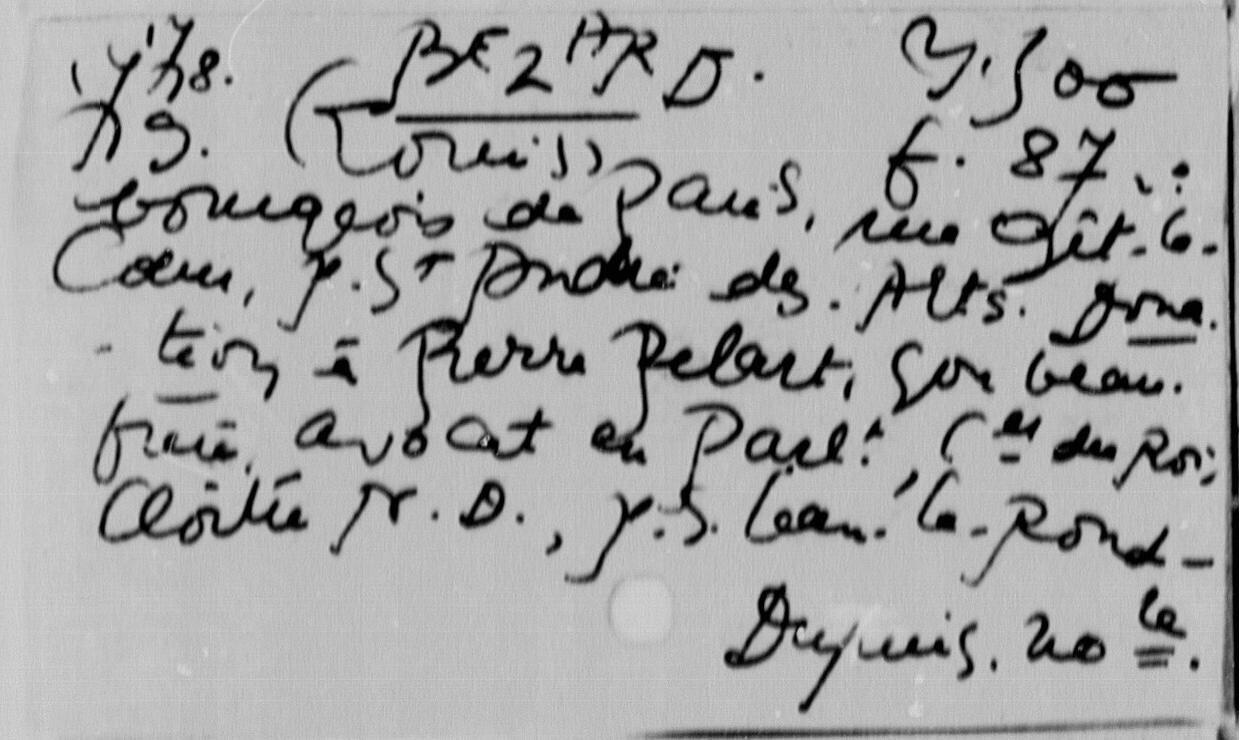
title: BELARD (Louis)
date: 1718-1719
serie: Y
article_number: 300
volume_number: fol. 87v
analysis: Bourgeois de Paris, rue Git-le-Cœur, paroisse Saint-André des-Arts. Donation à Pierre PELART, son beau-frère, avocat en Parlement, conseiller du roi, cloître Notre-Dame, paroisse Saint-Jean-le-Rond. Dupuis, notaire.
